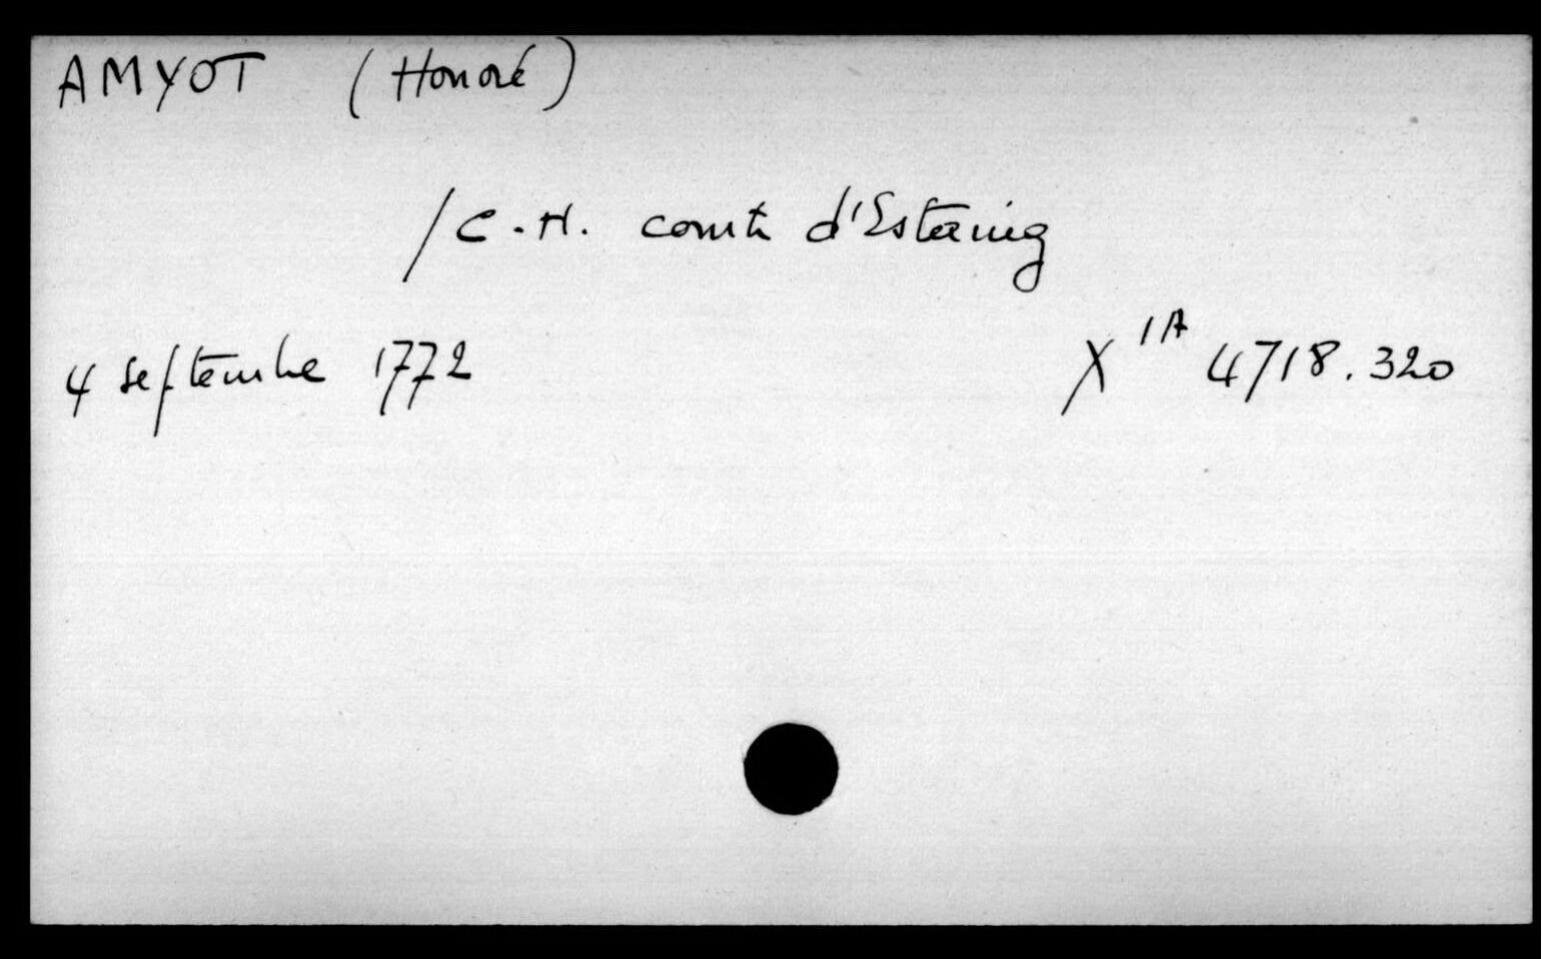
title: AMYOT (Honoré)
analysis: Contre C. H. comte d'Estaing
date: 4 septembre 1772
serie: X1A
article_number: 4718
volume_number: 320
